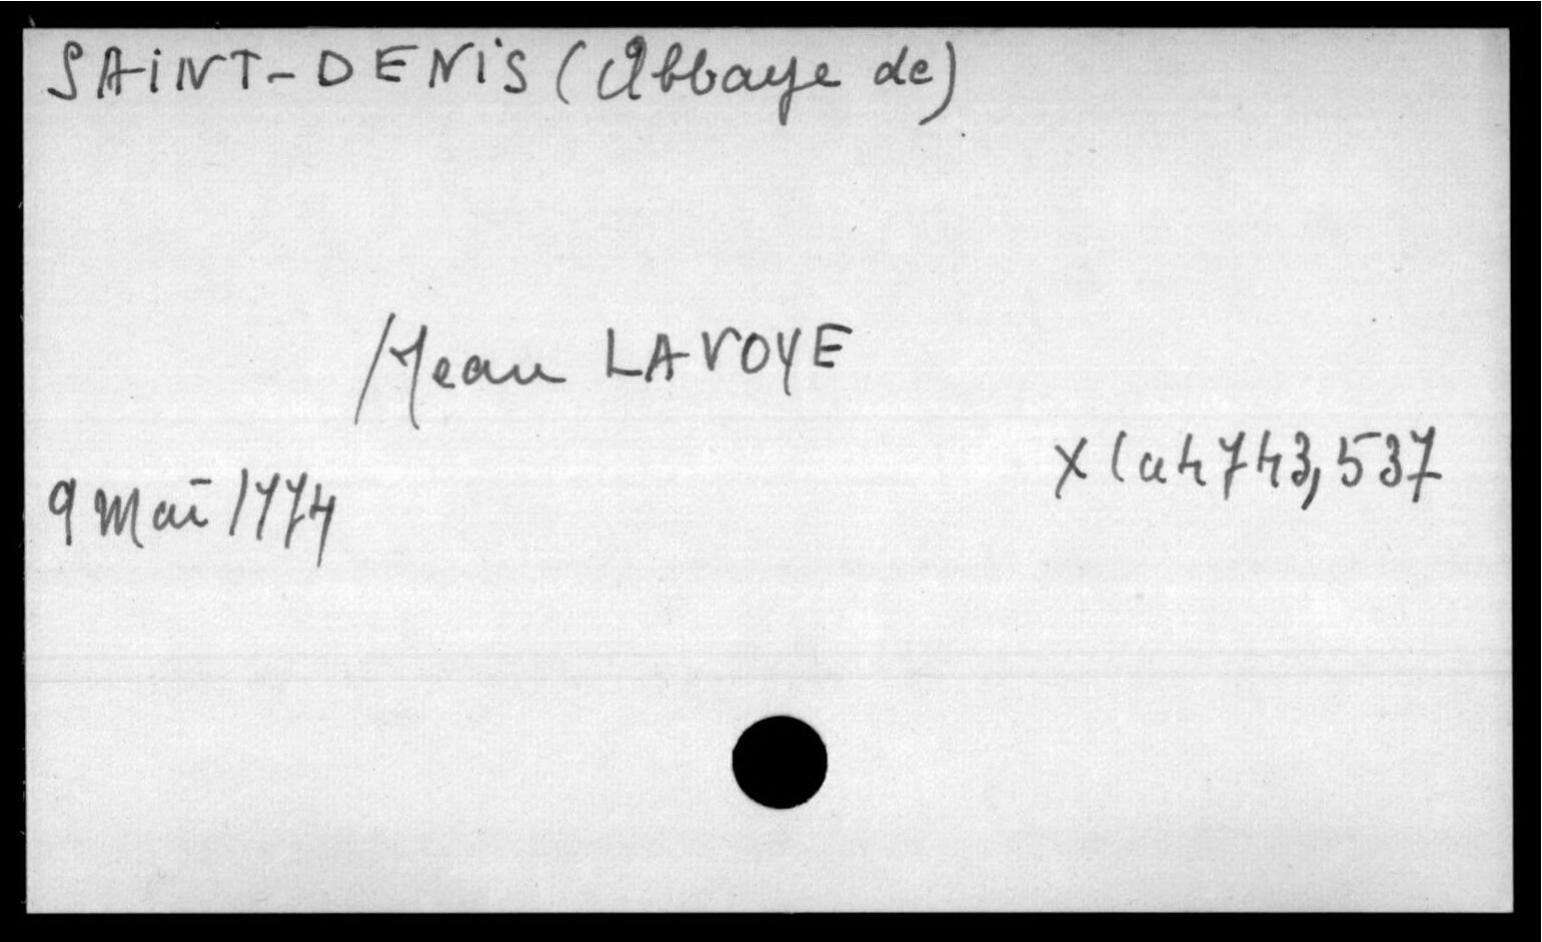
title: SAINT-DENIS (Abbaye de)
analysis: Contre Jean LAVOYE
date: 9 mai 1774
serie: X1a
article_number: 4743
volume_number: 537
